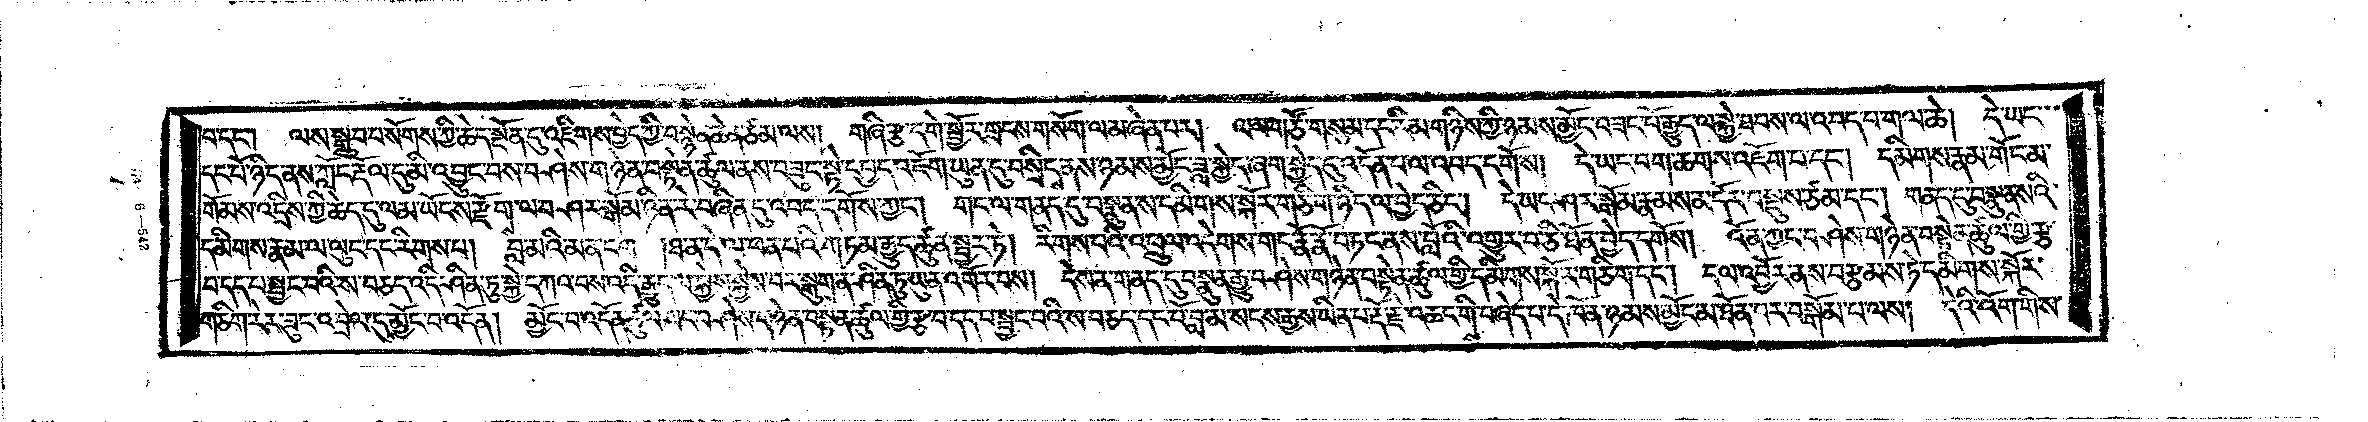བ་དང་། ལས་སྒྲུབ་པ་སོགས་ཀྱི་ཆེད་སྔོན་དུ་འཇིགས་བྱེད་ཀྱི་བསྙེན་ཆེན་ཙམ་ལས། གཞི་རྩ་དགེ་སྦྱོར་གྲངས་གསོག་ལམ་ཞེན་པར། ལམ་གཙོ་གསུམ་དང་རིམ་གཉིས་ཀྱི་ཉམས་མྱོང་བཟང་པོ་རྒྱུད་ལ་སྐྱེ་ཐབས་ལ་འབད་པ་གལ་ཆེ། དེ་ཡང་
དང་པོ་ཉིད་ནས་ཀློང་རྡོལ་དུ་མི་འབྱུང་བས་བཤེས་གཉེན་བསྟེན་ཚུལ་ནས་བཟུང་སྟ་དཔྱད་འཇོག་ཡུན་དུ་བསྲིངས་ནས་ཉམས་མྱོང་ཟླ་སྐྱེད་ཞག་སྐྱེད་དུ་འདོན་པ་ལ་འབད་དགོས། དེ་ཡང་བག་ཆགས་འཇོག་པ་དང་། དམིགས་རྣམ་གོང་མ་
གོམས་འདྲིས་ཀྱི་ཆེད་དུ་ལམ་ཡོངས་རྫོགས་ལ་བཤར་སྒོམ་ཉིན་རེ་བཞིན་དུ་འབད་དགོས་ཀྱང་། གང་ལ་གནད་དུ་བསྣུན་ས་དམིགས་སྐོར་གཅིག་ཉིད་ལ་བྱེད་ཅིང་། དེ་ཡང་ཤར་སྒོམ་རྣམས་མདོར་བསྡུས་ཙམ་དང་། གནད་དུ་བསྣུན་སའི་
དམིགས་རྣམ་ལ་ལུང་དང་རིགས་པ། བླ་མའི་མན་ངག །ཐ་ན་དེ་ལ་ཕན་པའི་གཏམ་རྒྱུད་ཚུན་སྦྱར་ཏེ། རིགས་པའི་འཕྲུལ་འདེགས་གང་རྣོ་རྣོ་བཏང་ནས་བློའི་འགྱུར་བ་ཅི་ཐོན་བྱེད་དགོས། འོ་ན་ཀྱང་བཤེས་གཉེན་བསྟེན་ཚུལ་གྱི་རྩ་
ཕ༹བ་དད་པ་སྦྱང་བའི་ས་བཅད་འདི་ཤིན་ཏུ་སྐྱེ་དཀའ་བས་འདི་རྒྱུད་ལ་སྐྱེས་སྐྱེས་བར་སྒུག་ན་ཤིན་ཏུ་ཡུན་འགོར་བས། དེས་ན་གནད་དུ་བསྣུན་རྒྱུ་བཤེས་གཉེན་བསྟེན་ཚུལ་གྱི་དམིགས་སྐོར་གཅིག་དང་། དལ་འབྱོར་ནས་བརྩམས་ཏེ་དམིགས་སྐོར་
གཅིག་རེར་ཟུང་འབྲེལ་དུ་མྱོང་བ་འདོན། མྱོང་བ་འདོན་ཚུལ་སང་བཤེས་གཉེན་བསྟེན་ཚུལ་གྱི་རྩ་བ་དད་པ་སྦྱང་བའི་ས་བཅད་དང་པོ་བླ་མ་སངས་རྒྱས་ཡིན་པ་རྡོ་རྗེ་འཆང་གིས་བཞེད་པ་དེ་ཁོ་ན་ཉམས་མྱོང་མ་ཐོན་བར་བསྒོམ་པ་ལས། དེའི་འོག་གིས་